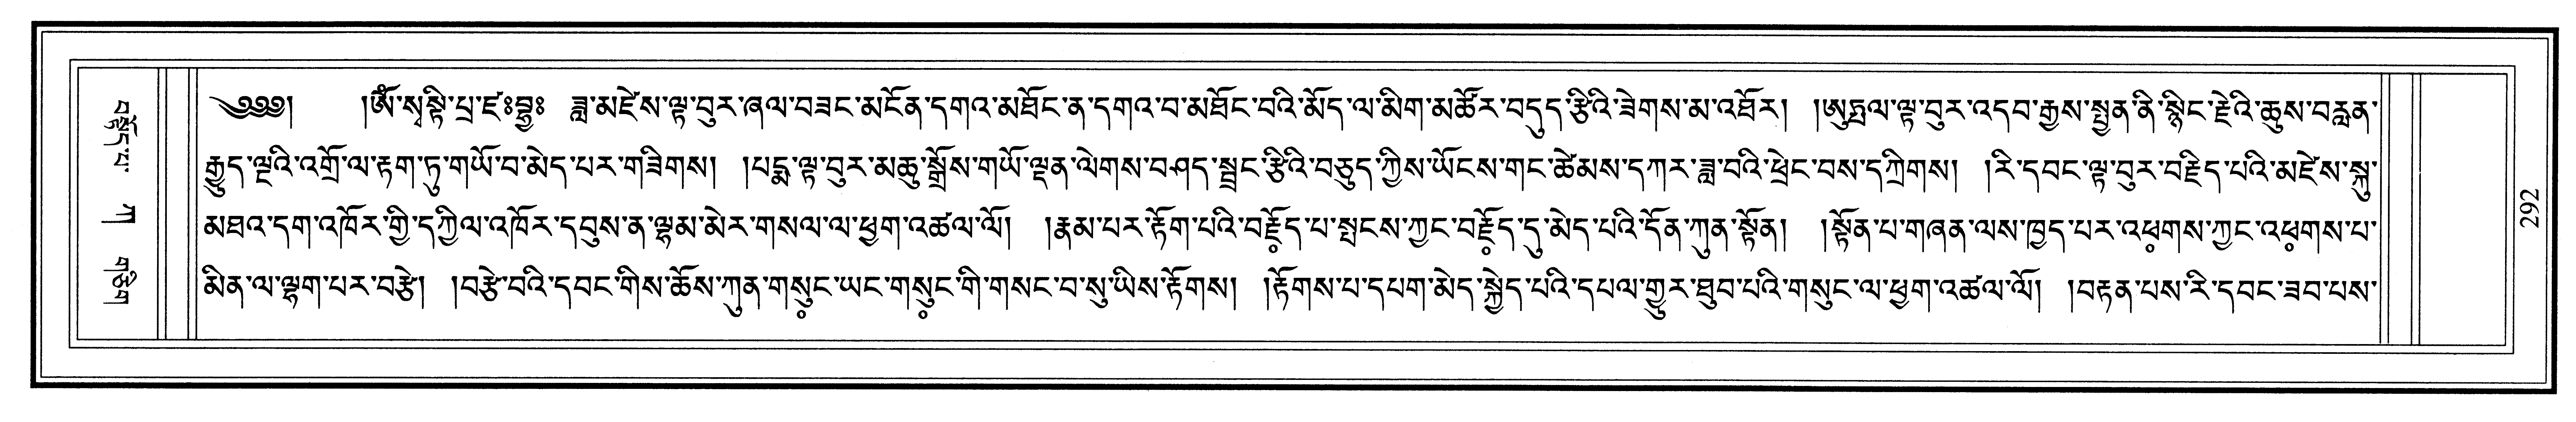༄༅༅། །ཨོཾ་སྭསྟི་པྲ་ཛཿ བྷྱཿ ཟླ་མཛེས་ལྟ་བུར་ཞལ་བཟང་མངོན་དགའ་མཐོང་ན་དགའ་བ་མཐོང་བའི་མོད་ལ་མིག་མཚོར་བདུད་རྩིའི་ཟེགས་མ་འཐོར། །ཨུཏྤལ་ལྟ་བུར་འདབ་རྒྱས་སྤྱན་ནི་སྙིང་རྗེའི་ཆུས་བརླན་
རྒྱུད་ལྔའི་འགྲོ་ལ་རྟག་ཏུ་གཡོ་བ་མེད་པར་གཟིགས། །པདམ་ལྟ་བུར་མཆུ་སྒྲོས་གཡོ་ལྡན་ལེགས་བཤད་སྦྲང་རྩིའི་བཅུད་ཀྱིས་ཡོངས་གང་ཚེམས་དཀར་ཟླ་བའི་ཕྲེང་བས་དཀྲིགས། །རི་དབང་ལྟ་བུར་བརྗིད་པའི་མཛེས་སྐུ་
མཐའ་དག་འཁོར་གྱི་དཀྱིལ་འཁོར་དབུས་ན་ལྷམ་མེར་གསལ་ལ་ཕྱག་འཚལ་ལོ། །རྣམ་པར་རྟོག་པའི་བརྗོད་པ་སྤངས་ཀྱང་བརྗོད་དུ་མེད་པའི་དོན་ཀུན་སྟོན། །སྟོན་པ་གཞན་ལས་ཁྱད་པར་འཕགས་ཀྱང་འཕགས་པ་
མིན་ལ་ལྷག་པར་བརྩེ། །བརྩེ་བའི་དབང་གིས་ཆོས་ཀུན་གསུང་ཡང་གསུང་གི་གསང་བ་སུ་ཡིས་རྟོགས། །རྟོགས་པ་དཔག་མེད་སྐྱེད་པའི་དཔལ་གྱུར་ཐུབ་པའི་གསུང་ལ་ཕྱག་འཚལ་ལོ། །བརྟན་པས་རི་དབང་ཟབ་པས་